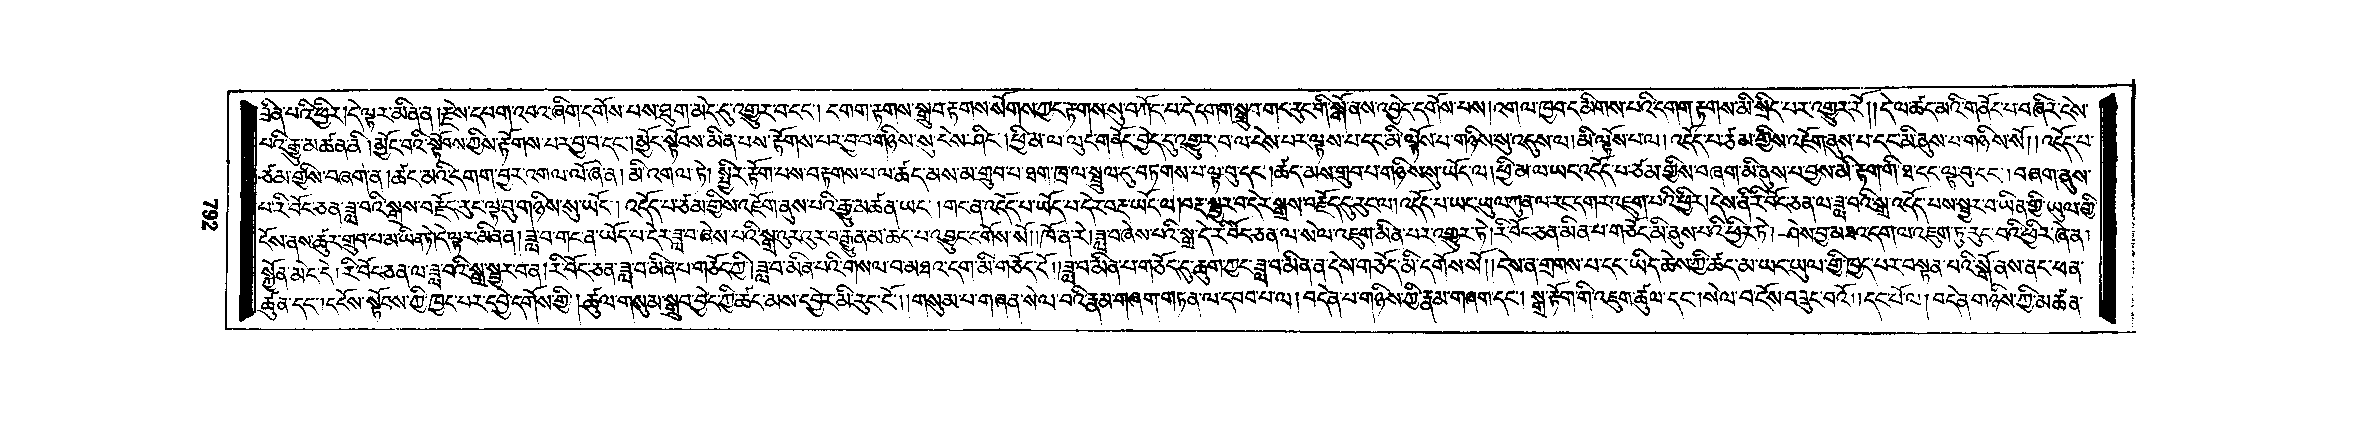ཟིན་པའི་ཕྱིར། དེ་ལྟར་མིན་ན། རྗེས་དཔག་འབའ་ཞིག་དགོས་པས་ཐུག་མེད་དུ་འགྱུར་བ་དང་། དགག་རྟགས་སྒྲུབ་རྟགས་སོགས་ཀྱང་རྟགས་སུ་བཀོད་པ་དེ་དགག་སྒྲུབ་གང་རུང་གི་སྒོ་ནས་འབྱེད་དགོས་པས། འགལ་ཁྱབ་དམིགས་པའི་དགག་རྟགས་མི་སྲིད་པར་འགྱུར་རོ། །དེ་ལ་ཚད་མའི་གནོད་པ་བཞིར་ངེས་
པའི་རྒྱུ་མཚན་ནི། མྱོང་བའི་སྟོབས་ཀྱིས་རྟོགས་པར་བྱ་བ་དང་། མྱོང་སྟོབས་མིན་པས་རྟོགས་པར་བྱ་བ་གཉིས་སུ་ངེས་ཤིང་། ཕྱི་མ་ལ་ལུང་གནོད་བྱེད་དུ་འགྱུར་བ་ལ་ངེས་པར་ལྟས་པ་དང་མི་ལྟོས་པ་གཉིས་སུ་འདུས་ལ། མི་ལྟོས་པ་ལ། འདོད་པ་ཙམ་གྱིས་འཇོག་ནུས་པ་དང་མི་ནུས་པ་གཉིས་སོ། །འདོད་པ་
ཙམ་གྱིས་བཞག་ན། ཚང་མའི་དགག་བྱར་འགལ་ལོ་ཞེ་ན། མི་འགལ་ཏེ། སྤྱིར་རྟོག་པས་བརྟགས་པ་ལ་ཚད་མས་མ་གྲུབ་པ་ཐག་ཁྲ་ལ་སྦྲུལ་དུ་བཏགས་པ་ལྟ་བུ་དང་། ཚད་མས་གྲུབ་པ་གཉིས་སུ་ཡོད་ལ། ཕྱི་མ་ལ་ཡང་འདོད་པ་ཙམ་གྱིས་བཞག་མི་ནུས་པ་བྱས་མི་རྟག་གི་ཐ་དད་ལྟ་བུ་དང་། བཞག་ནུས་
པ་རི་བོང་ཅན་ཟླ་བའི་སྒྲས་བརྗོད་རུང་ལྟ་བུ་གཉིས་སུ་ཡོང་། འདོད་པ་ཙམ་གྱིས་འཇོག་ནུས་པའི་རྒྱུ་མཚན་ཡང་། གང་ན་འདོད་པ་ཡོད་པ་དེར་བརྡ་ཡོད་ལ། བརྡ་སྦྱར་བ་དེར་སྒྲས་བརྗོད་དུ་རུང་ལ། འདོད་པ་ཡང་ཡུལ་ཀུན་ལ་རང་དགར་འཇུག་པའི་ཕྱིར། དེས་ནི་རི་བོང་ཅན་ལ་ཟླ་བའི་སྒྲ་འདོད་པས་སྦྱར་བ་ཡིན་གྱི་ཡུལ་གྱི་
ངོས་ནས་ཚུར་གྲུབ་པ་མ་ཡིན་ཏེ། དེ་ལྟར་མིན་ན། ཟླ་བ་གང་ན་ཡོད་པ་དེར་ཟླ་བ་ཞེས་པའི་སྒྲ་འུར་འུར་བ་རྒྱུན་མ་ཆད་པ་འབྱུང་དགོས་སོ། །ཁོ་ན་རེ། ཟླ་བ་ཞེས་པའི་སྒྲ་དེ་རི་བོང་ཅན་ལ་སེལ་འཇུག་མིན་པར་འགྱུར་ཏེ། རི་བོང་ཅན་མིན་པ་གཅོད་མི་ནུས་པའི་ཕྱིར་ཏེ། ཤེས་བྱ་མཐའ་དག་ལ་འཇུག་ཏུ་རུང་བའི་ཕྱིར་ཞེ་ན།
སྐྱོན་མེད་དེ། རི་བོང་ཅན་ལ་ཟླ་བའི་སྒྲ་སྦྱར་བ་ན། རི་བོང་ཅན་ཟླ་བ་མིན་པ་གཅོད་ཀྱི། ཟླ་བ་མིན་པའི་གསལ་བ་མཐའ་དག་མི་གཅོད་དོ། །ཟླ་བ་མིན་པ་གཅོད་དུ་ཆུག་ཀྱང་ཟླ་བ་མིན་ན་དེས་གཅོད་མི་དགོས་སོ། །དེས་ན་གྲགས་པ་དང་ཡིད་ཆེས་ཀྱི་ཚད་མ་ཡང་ཡུལ་གྱི་ཁྱད་པར་བསྟན་པའི་སྒོ་ནས་ནང་ཕན་
ཚུན་དང་། དངོས་སྟོབས་ཀྱི་ཁྱད་པར་དབྱེ་དགོས་གྱི། ཚུལ་གསུམ་སྒྲུབ་བྱེད་ཀྱི་ཚད་མས་དབྱེར་མི་རུང་ངོ། །གསུམ་པ་གཞན་སེལ་བའི་རྣམ་གཞག་གཏན་ལ་དབབ་པ་ལ། བདེན་པ་གཉིས་ཀྱི་རྣམ་གཞག་དང་། སྒྲ་རྟོག་གི་འཇུག་ཚུལ་དང་། སེལ་བ་ངོས་བཟུང་བའོ། །དང་པོ་ལ། བདེན་གཉིས་ཀྱི་མཚན་